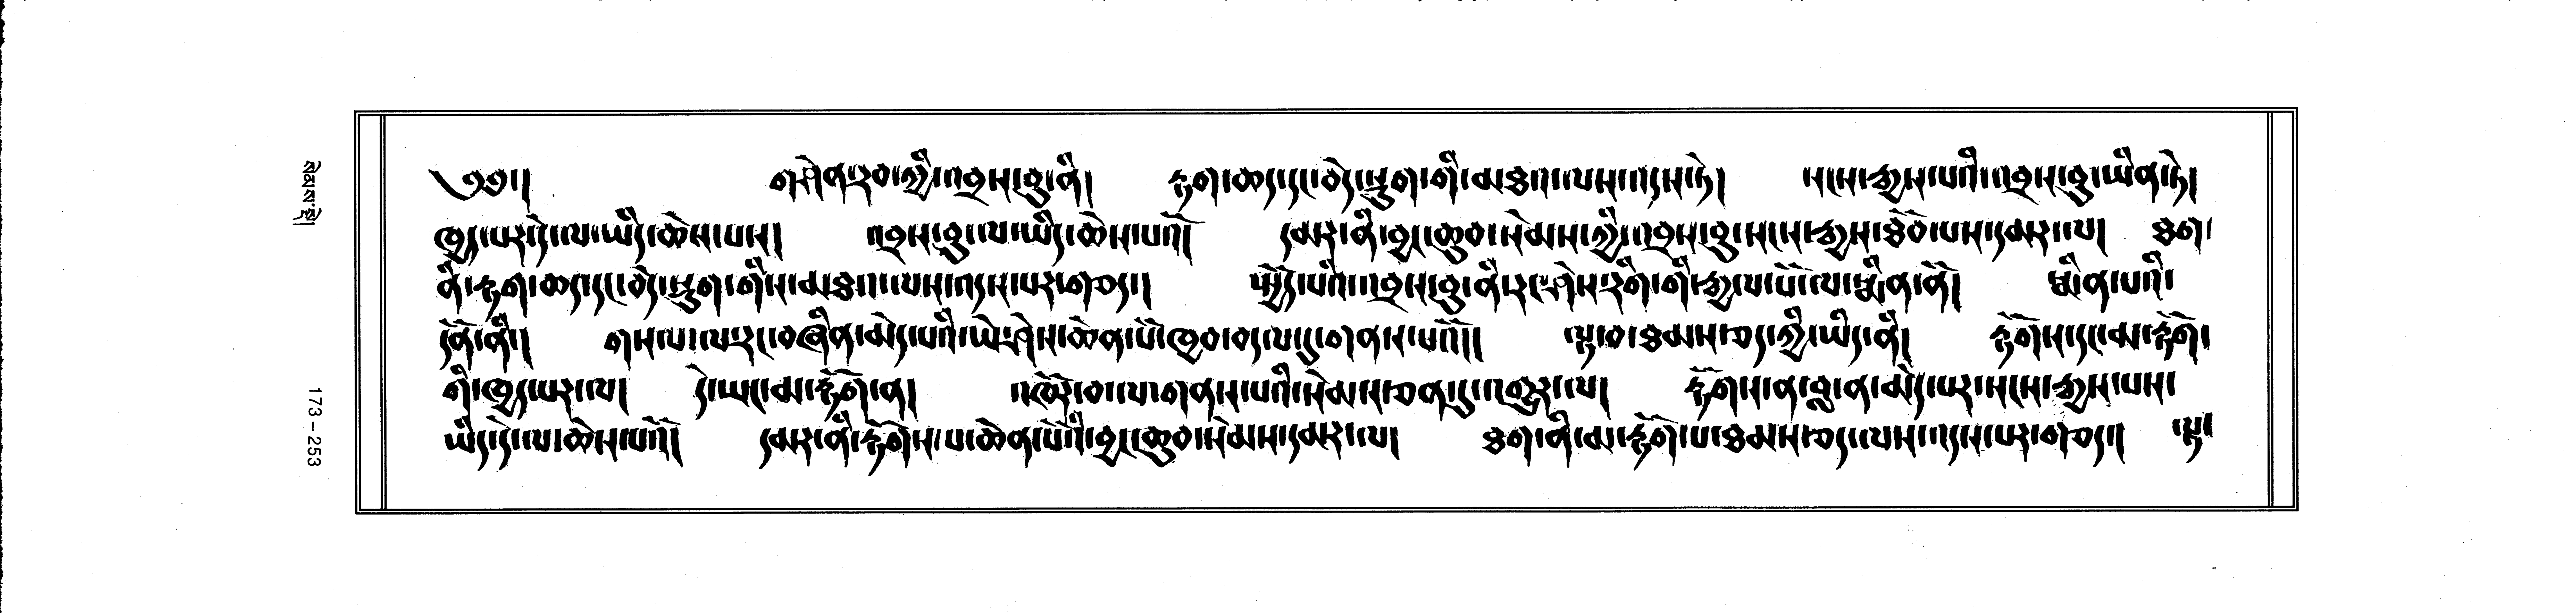གཤེན་རབ་ཀྱི་འབྲས་བུ་ནི། རྟག་ཆད་དང་བདེ་སྡུག་གི་མཐའ་ལ་འདས་ཏེ། སངས་རྒྱས་པའི་འབྲས་བུ་ཡིན་ཏེ། 
ཁྱད་པར་དེ་ལ་ཡིད་ཆེས་པས། འབྲས་བུ་ལ་ཡིད་ཆེས་པའོ། །དམར་ནི་བྱང་ཆུབ་སེམས་ཀྱི་འབྲས་བུ་སངས་རྒྱས་ཐོབ་པས་དམར་ལ། ཐག་
ནི་རྟག་ཆད་དང་བདེ་སྡུག་གི་མཐའ་ལས་འདས་པར་བཅད། སྤྱོད་པའི་འབྲས་བུ་ནི་རང་ཤེས་རིག་གི་རྒྱལ་པོ་ལ་སྨིན་ནོ། །སྨིན་པའི་
དོན་ནི་གསལ་ལ་རང་བཞིན་མེད་པའི་ཡེ་ཤེས་ཆེན་པོ་ཁྱབ་བདལ་དུ་གནས་པའོ། །ལྟ་བ་ཐམས་ཅད་ཀྱི་ཡིད་ནི། ལྟ་བ་ཐམས་ཅད་ཀྱི་ཡིད་ནི་རྟོགས་དང་མ་རྟོགས་
ཀྱི་ཁྱད་པར་ལ། དེ་ཡང་མ་རྟོགས་ན། འཁོར་བ་ལ་གནས་པའི་སེམས་ཅན་དུ་འགྱུར་ལ། རྟོགས་ན་བླ་ན་མེད་པར་སངས་རྒྱས་པས་
ཡིད་དེ་ལ་ཆེས་པའོ། །དམར་ནི་རྟོགས་པ་ཆེན་པོའི་བྱང་ཆུབ་ཀྱི་སེམས་དམར་ལ། ཐག་ནི་མ་རྟོགས་པ་ཐམས་ཅད་ལས་འདས་པར་གཅད། ལྟ་